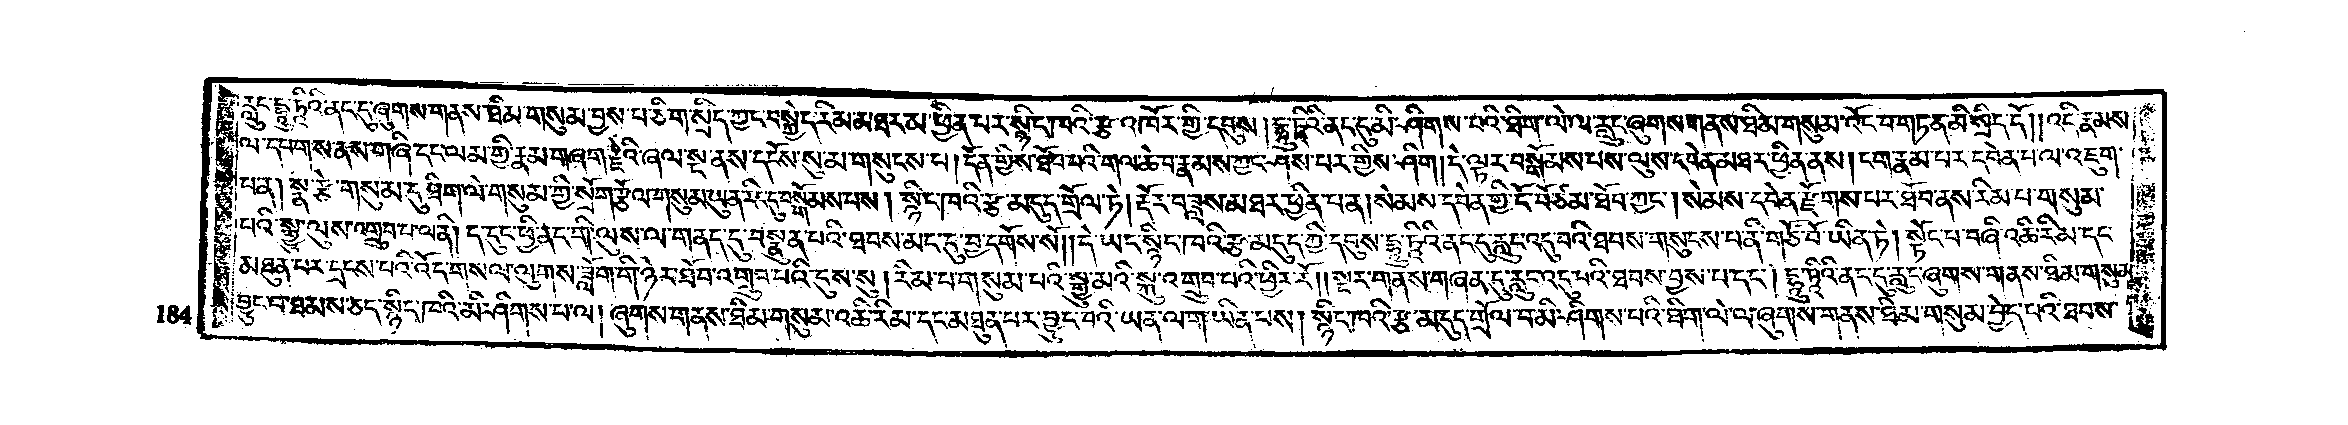རླུང་དྷཱུ་ཏཱིའི་ནང་དུ་ཞུགས་གནས་ཐིམ་གསུམ་བྱས་པ་ཅིག་སྲིད་ཀྱང་བསྐྱེད་རིམ་མཐར་མ་ཕྱིན་པར་སྙིང་ཁའི་རྩ་འཁོར་གྱི་དབུས། དྷཱུ་ཏཱིའི་ནང་དུ་མི་ཤིགས་པའི་ཐིག་ལེ་ལ་རླུང་ཞུགས་གནས་ཐིམ་གསུམ་འོང་བ་གཏན་མི་སྲིད་དོ། །འདི་རྣམས་
ལ་དཔགས་ནས་གཞི་དང་ལམ་གྱི་རྣམ་གཞག་རྗེའི་ཞལ་སྔ་ནས་དངོས་སུ་མ་གསུངས་པ། དོན་གྱིས་ཐོབ་པའི་གལ་ཆེ་བ་རྣམས་ཀྱང་ཤེས་པར་གྱིས་ཤིག །དེ་ལྟར་བསྒོམས་པས་ལུས་དབེན་མཐར་ཕྱིན་ནས། ངག་རྣམ་པར་དབེན་པ་ལ་འཇུག་
པ་ན། སྣ་རྩེ་གསུམ་དུ་ཐིག་ལེ་གསུམ་གྱི་སྲོག་ཙོལ་གསུམ་ཡུན་རིང་དུ་བསྒོམས་པས། སྙིང་ཁའི་རྩ་མདུད་གྲོལ་ཏེ། རྡོར་བཟླས་མཐར་ཕྱིན་པ་ན། སེམས་དབེན་གྱི་ངོ་བོ་ཙམ་ཐོབ་ཀྱང་། སེམས་དབེན་རྫོགས་པར་ཐོབ་ནས་རིམ་པ་གསུམ་
པའི་སྒྱུ་ལུས་འགྲུབ་པ་ལ་ནི། ད་དུང་ཕྱི་ནང་གི་ལུས་ལ་གནད་དུ་བསྣུན་པའི་ཐབས་མང་དུ་བྱ་དགོས་སོ། །དེ་ཡང་སྙིང་ཁའི་རྩ་མདུད་ཀྱི་དབུས་དྷཱུ་ཏཱིའི་ནང་དུ་རླུང་འདུ་བའི་ཐབས་གསུངས་པ་ནི་གཙོ་བོ་ཡིན་ཏེ། སྟོང་པ་བཞི་འཆི་རིམ་དང་
མཐུན་པར་དྲངས་པའི་འོད་གསལ་ལུགས་ཟློག་གི་ཉེར་ཐོབ་འགྲུབ་པའི་དུས་སུ། རིམ་པ་གསུམ་པའི་སྒྱུ་མའི་སྐུ་འགྲུབ་པའི་ཕྱིར་རོ། །སྔར་གནས་གཞན་དུ་རླུང་འདུ་པའི་ཐབས་བྱས་པ་དང་།དྷཱུ་ཏཱིའི་ནང་དུ་རླུང་ཞུགས་གནས་ཐིམ་གསུམ་
བྱུང་བ་ཐམས་ཅད་སྙིང་ཁའི་མི་ཤིགས་པ་ལ། ཞུགས་གནས་ཐིམ་གསུམ་འཆི་རིམ་དང་མཐུན་པར་བྱུང་བའི་ཡན་ལག་ཡིན་པས། སྙིང་ཁའི་རྩ་མདུད་གྲོལ་བ་མི་ཤིགས་པའི་ཐིག་ལེ་ལ་ཞུགས་གནས་ཐིམ་གསུམ་བྱེད་པའི་ཐབས་